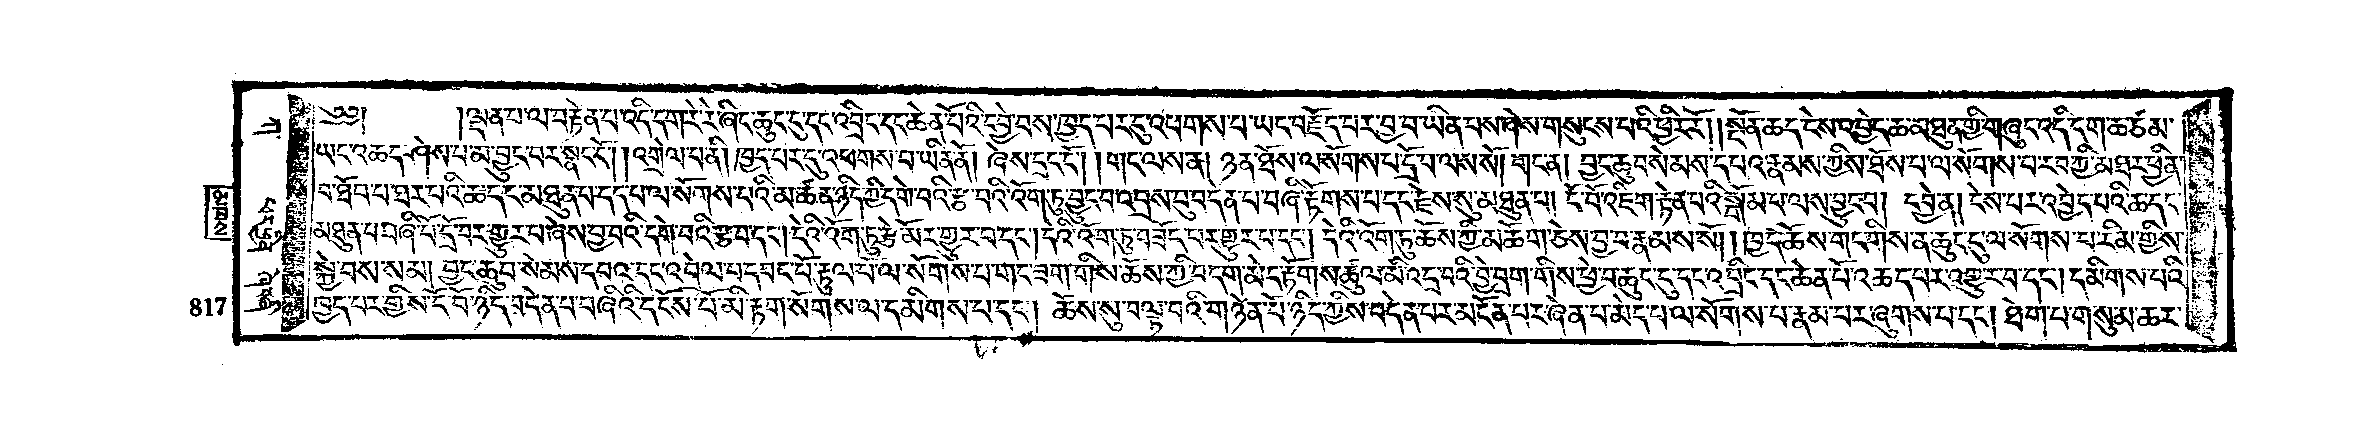༄༅། །ལྡན་པ་ལ་བརྟེན་པ་འདི་དག་རེ་རེ་ཞིང་ཆུང་ངུ་དང་འབྲིང་དང་ཆེན་པོའི་དབྱེ་བས་ཁྱད་པར་དུ་འཕགས་པ་ཡང་བརྗོད་པར་བྱ་བ་ཡིན་པས་ཞེས་གསུངས་པའི་ཕྱིར་རོ། །སྔོན་ཆད་ངེས་འབྱེད་ཆ་མཐུན་གྱི་གཞུང་འདི་དག་ཆ་ཙམ་
ཡང་འཆད་ཤེས་པ་མ་བྱུང་བར་སྣང་ངོ། །འགྲེལ་པ་ནི། ཁྱད་པར་དུ་འཕགས་པ་ཡིན་ནོ། ཞེས་དྲང་ངོ། །གང་ལས་ན། ཉན་ཐོས་ལ་སོགས་པ་དྲོ་བ་ལས་སོ། གང་ན། བྱང་ཆུབ་སེམས་དཔའ་རྣམས་ཀྱིས་ཐོས་པ་ལ་སོགས་པ་རབ་ཀྱི་མཐར་ཕྱིན་
པ་ཐོབ་པ་ཐར་པའི་ཆ་དང་མཐུན་པ་དད་པ་ལ་སོགས་པའི་མཚན་ཉིད་ཀྱི་དགེ་བའི་རྩ་བའི་འོག་ཏུ་བྱུང་བ་འབྲས་བུ་བདེན་པ་བཞི་རྟོགས་པ་དང་རྗེས་སུ་མཐུན་པ། ངོ་བོ་འཇིག་རྟེན་པའི་སྒོམ་པ་ལས་བྱུང་བ། དབྱེ་ན། ངེས་པར་འབྱེད་པའི་ཆ་དང་
མཐུན་པ་བཞི་པོ་དྲོ་བར་གྱུར་པ་ཞེས་བྱ་བའི་དགེ་བའི་རྩ་བ་དང་། དེའི་འོག་ཏུ་རྩེ་མོར་གྱུར་བ་དང་། དེའི་འོག་ཏུ་བཟོད་པར་གྱུར་པ་དང་། དེའི་འོག་ཏུ་ཆོས་ཀྱི་མཆོག་ཅེས་བྱ་བ་རྣམས་སོ། །ཁྱད་ཆོས་གང་གིས་ན་ཆུང་ངུ་ལ་སོགས་པ་རིམ་གྱིས་
སྐྱེ་བས་སམ། བྱང་ཆུབ་སེམས་དཔའ་དང་འབྲེལ་པ་དབང་པོ་རྟུལ་པོ་ལ་སོགས་པ་གང་ཟག་གིས་ཆོས་ཀྱི་བདག་མེད་རྟོགས་ཚུལ་མི་འདྲ་བའི་བྱེ་བྲག་གིས་ཕྱེ་བ་ཆུང་ངུ་དང་འབྲིང་དང་ཆེན་པོ་འཆད་པར་འགྱུར་བ་དང་། དམིགས་པའི་
ཁྱད་པར་གྱིས་ངོ་བོ་ཉིད་བདེན་པ་བཞིའི་དངོས་པོ་མི་རྟག་སོགས་ལ་དམིགས་པ་དང་། ཆོས་སུ་བལྟ་བའི་གཉེན་པོ་ཉིད་ཀྱིས་བདེན་པར་མངོན་པར་ཞེན་པ་མེད་པ་ལ་སོགས་པ་རྣམ་པར་ཞུགས་པ་དང་། ཐེག་པ་གསུམ་ཆར་